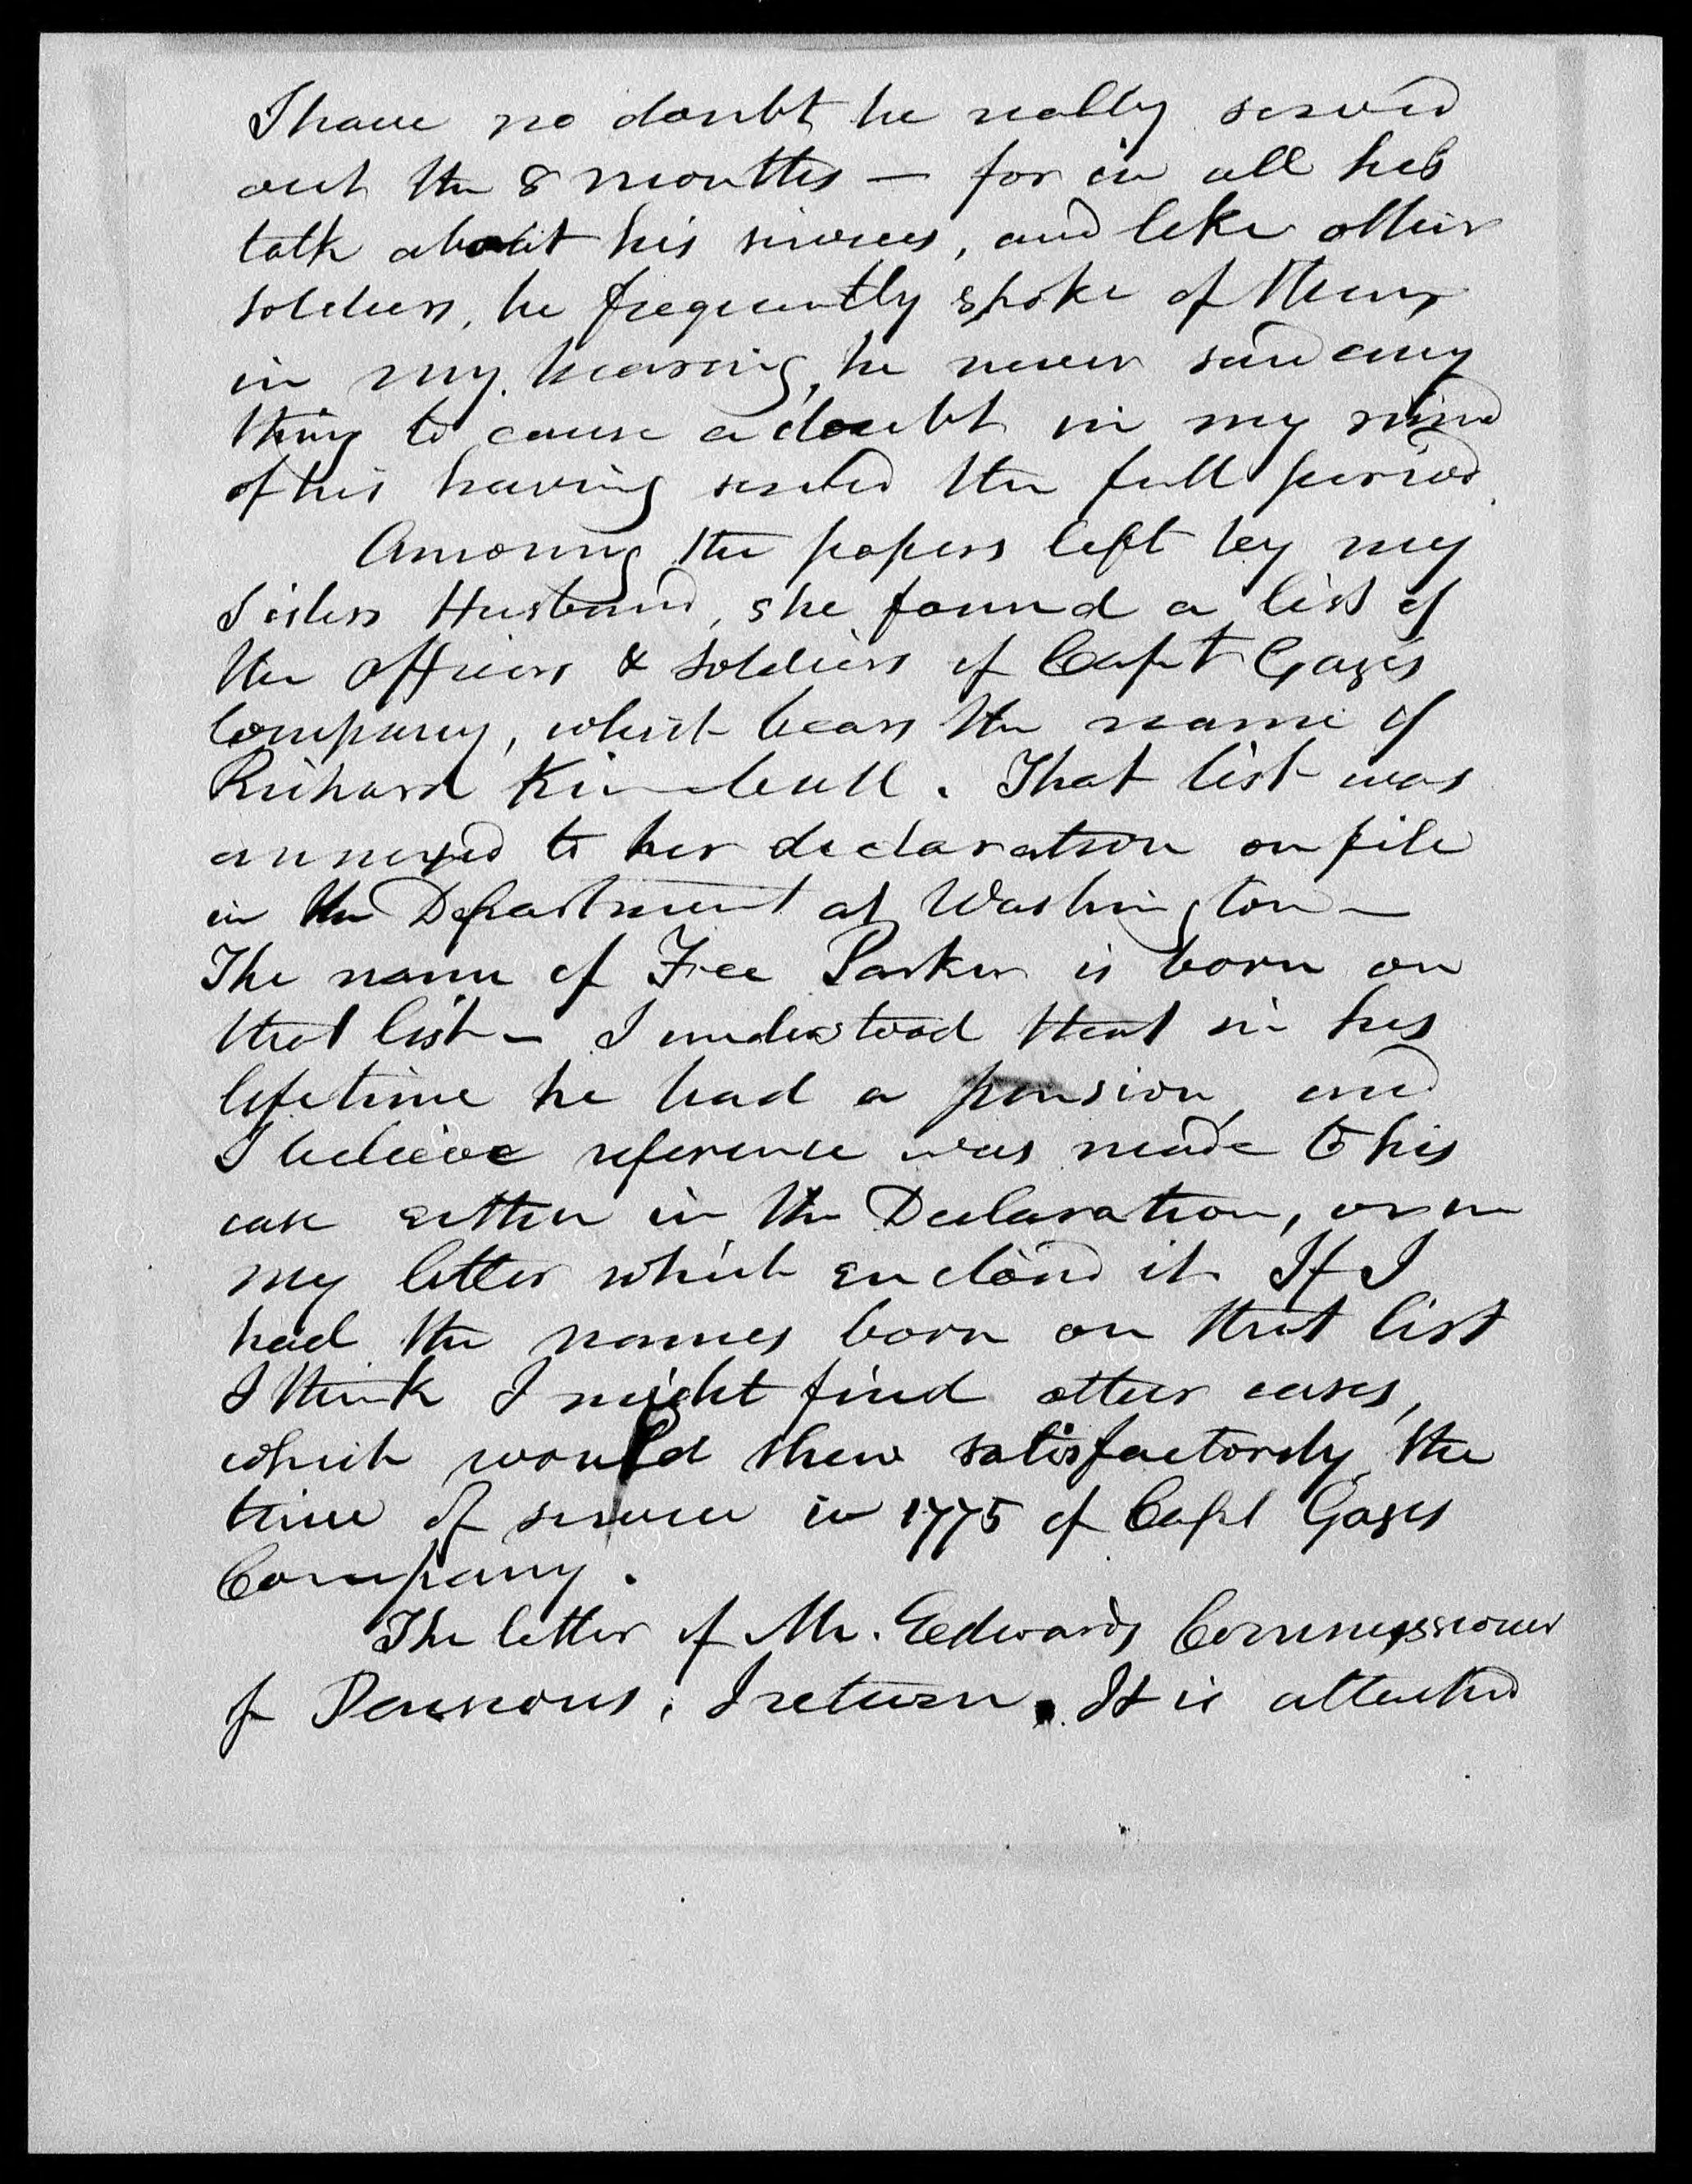I have no doubt he really served out the 8 months - for in all his talk about his services, and like other soldiers, he frequently spoke of them in my hearing, he never said anything to cause a doubt in my mind of his having served the full period.

Among the papers left by my Sisters Husband, she found a list of the Officers & Soldiers of Capt Gage's Company, which bears the name of Richard Kimball. That list was annexed to her declaration on file in the Department at Washington. The name of Free Parker is born on that list - I understand that in his lifetime he had a pension, and I believed reference was made to his case either in the Declaration, or in my letter which enclosed it. If I had the names born on that list I think I might find other cases, which would then satisfactorily the time of service in 1775 of Capt Gages Company.

The letter of the Edwards Commissioner of Pensions, I return. It is attached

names: [BLANK] Edwards; Richard Kimball; Free Parker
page: 28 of 29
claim: widow's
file: W. 1779, for Richard Kimball, Massachusetts